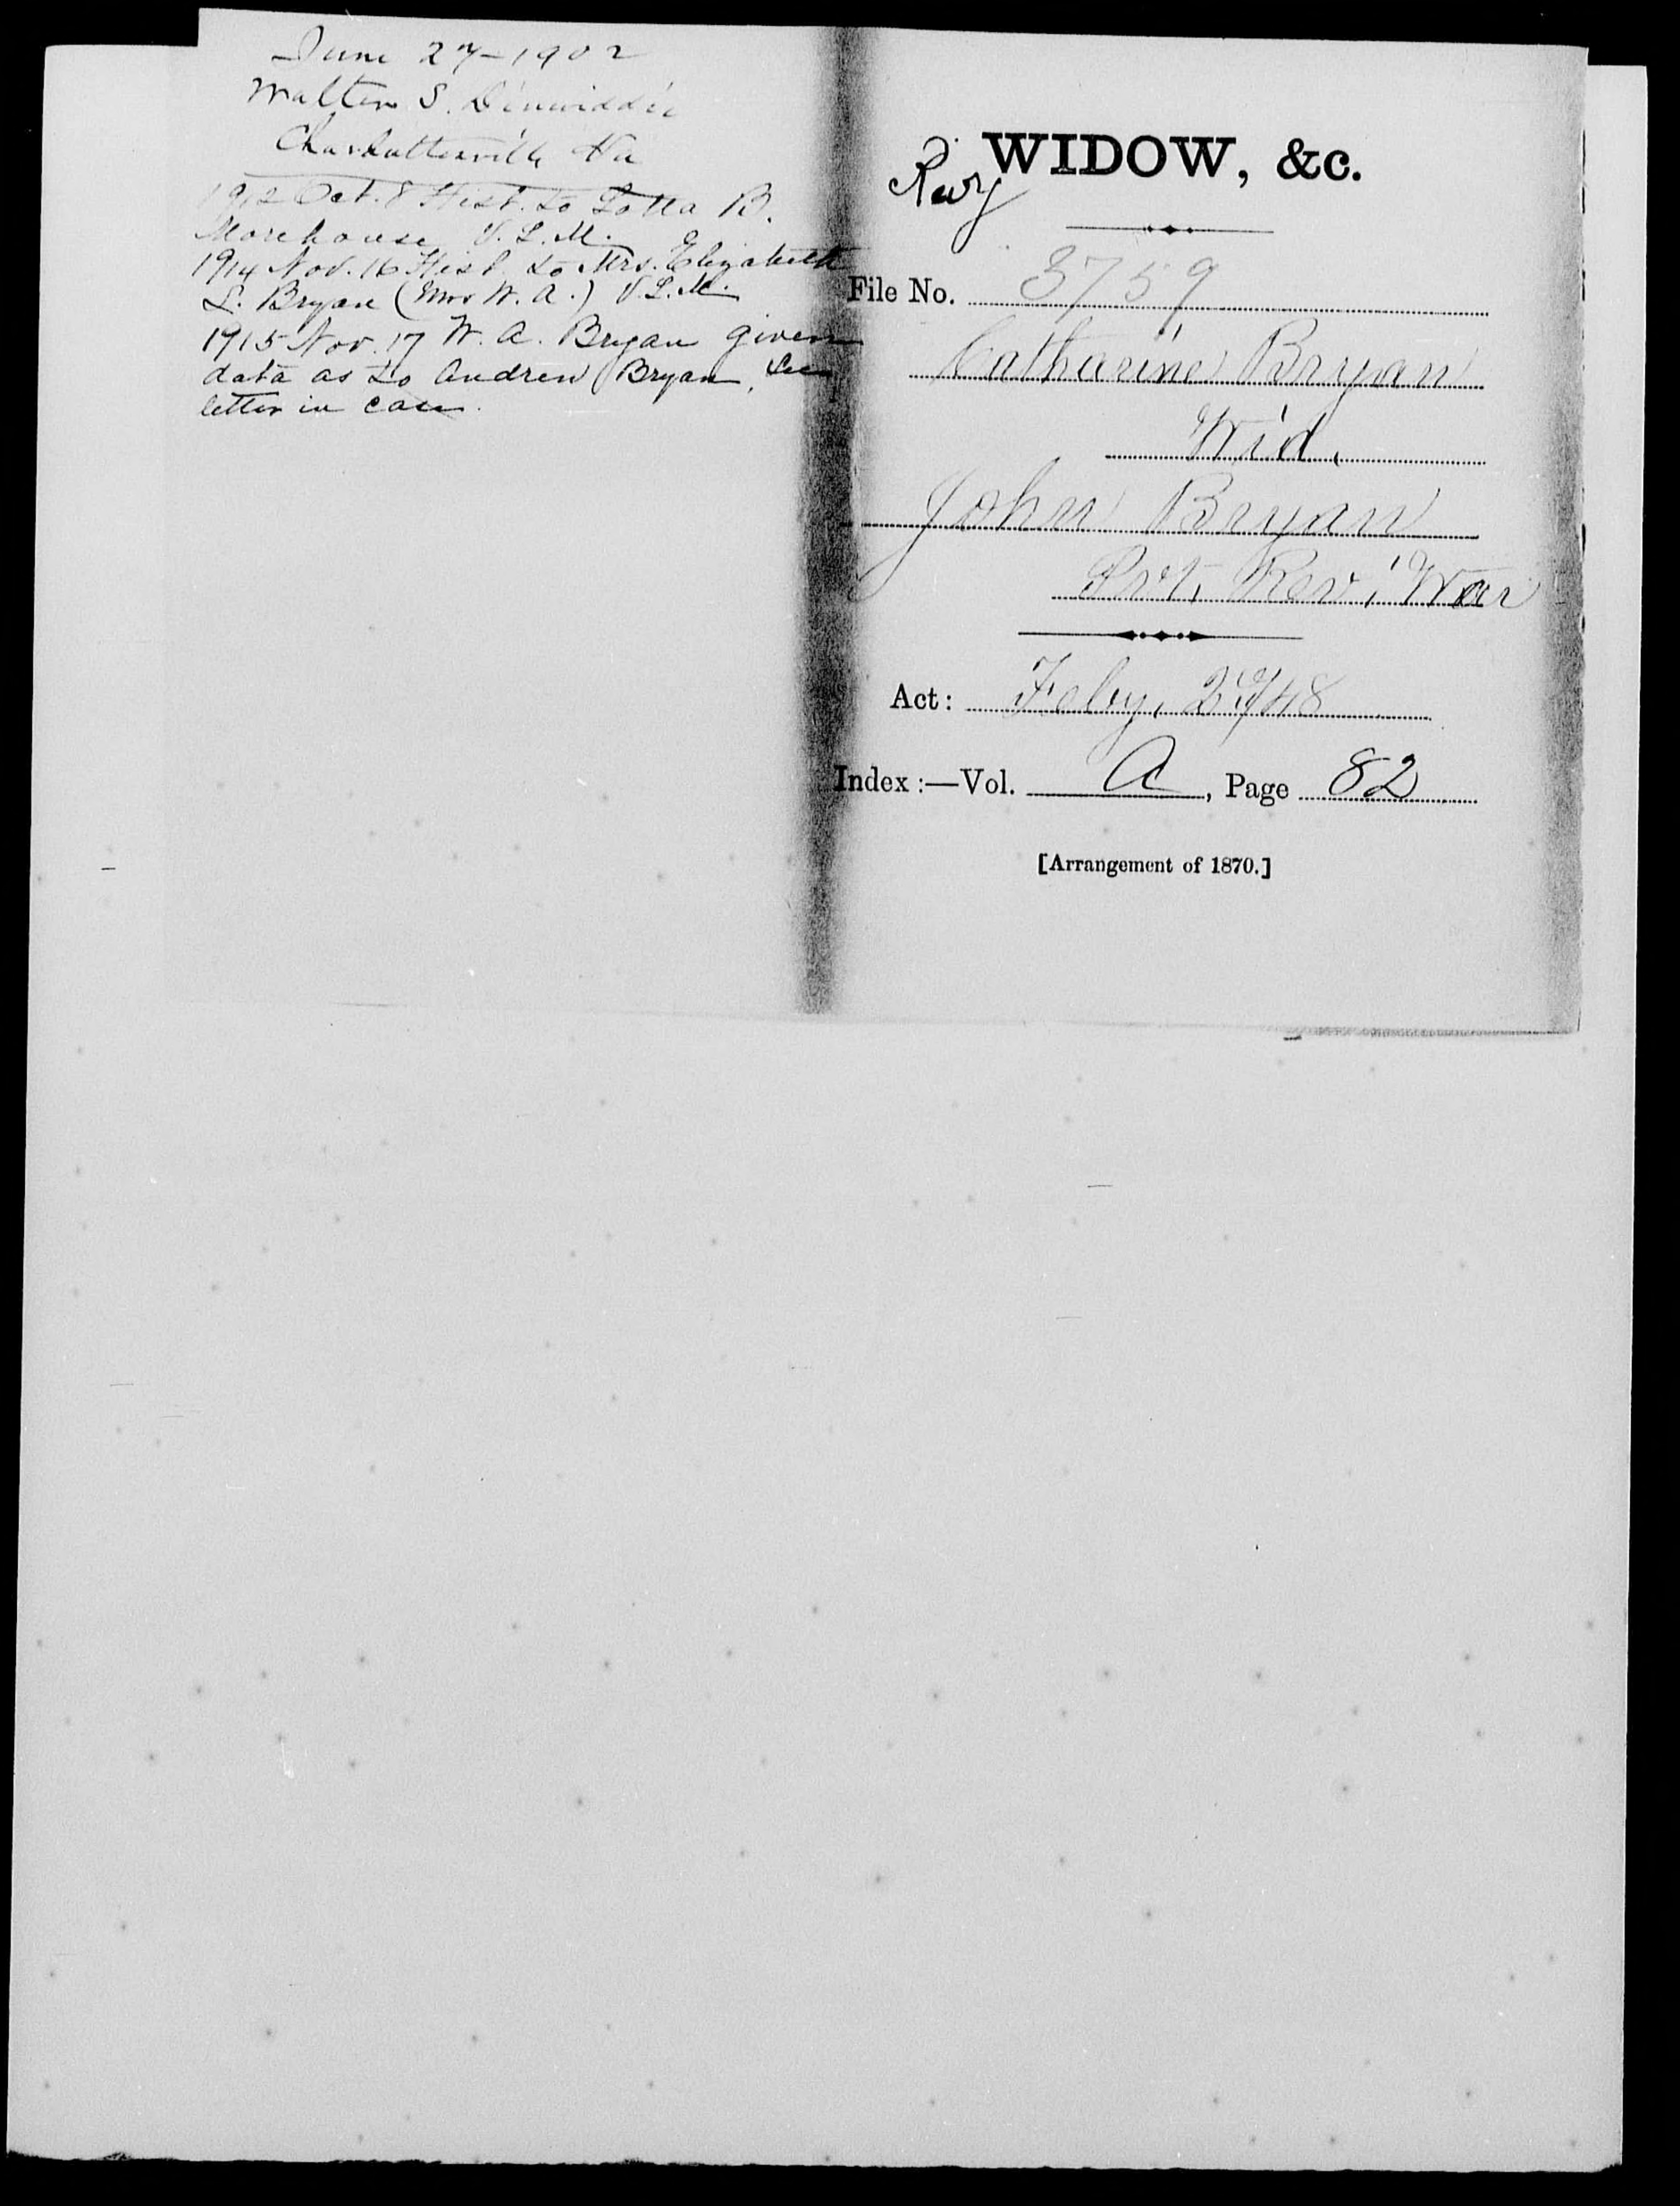[Left Side] 
June 27 – 1902
Walter S Dinwiddie
Charlottesville Va
1912 Oct. 8 flint. Lotta B Morehouse J.L.M.
1914 Nov. 16 flint to Mrs. Elizabeth L Bryan (mr. W.A.) V.L.M.
1915 Nov. 17 w. a. Bryan given 
Data as to Andrew Bryan, seeing
letter in case.

[Right Side]
Privy WIDOW, &c.
File No. 3759 
Catharine Bryan
Wid,
John Bryan 
[illegible] 

Act: Holy, 2748 

Index :---- Vol. a, Page 82

[Arrangement of 1870.]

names: Lotta B Morehouse, Andrew Bryan, W A Bryan, Elizabeth L Bryan, W A, Catharine Bryan, John Bryan, Walter S Dinwiddie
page: 8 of 31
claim: widow's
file: W. 3759, John Bryan, Va.